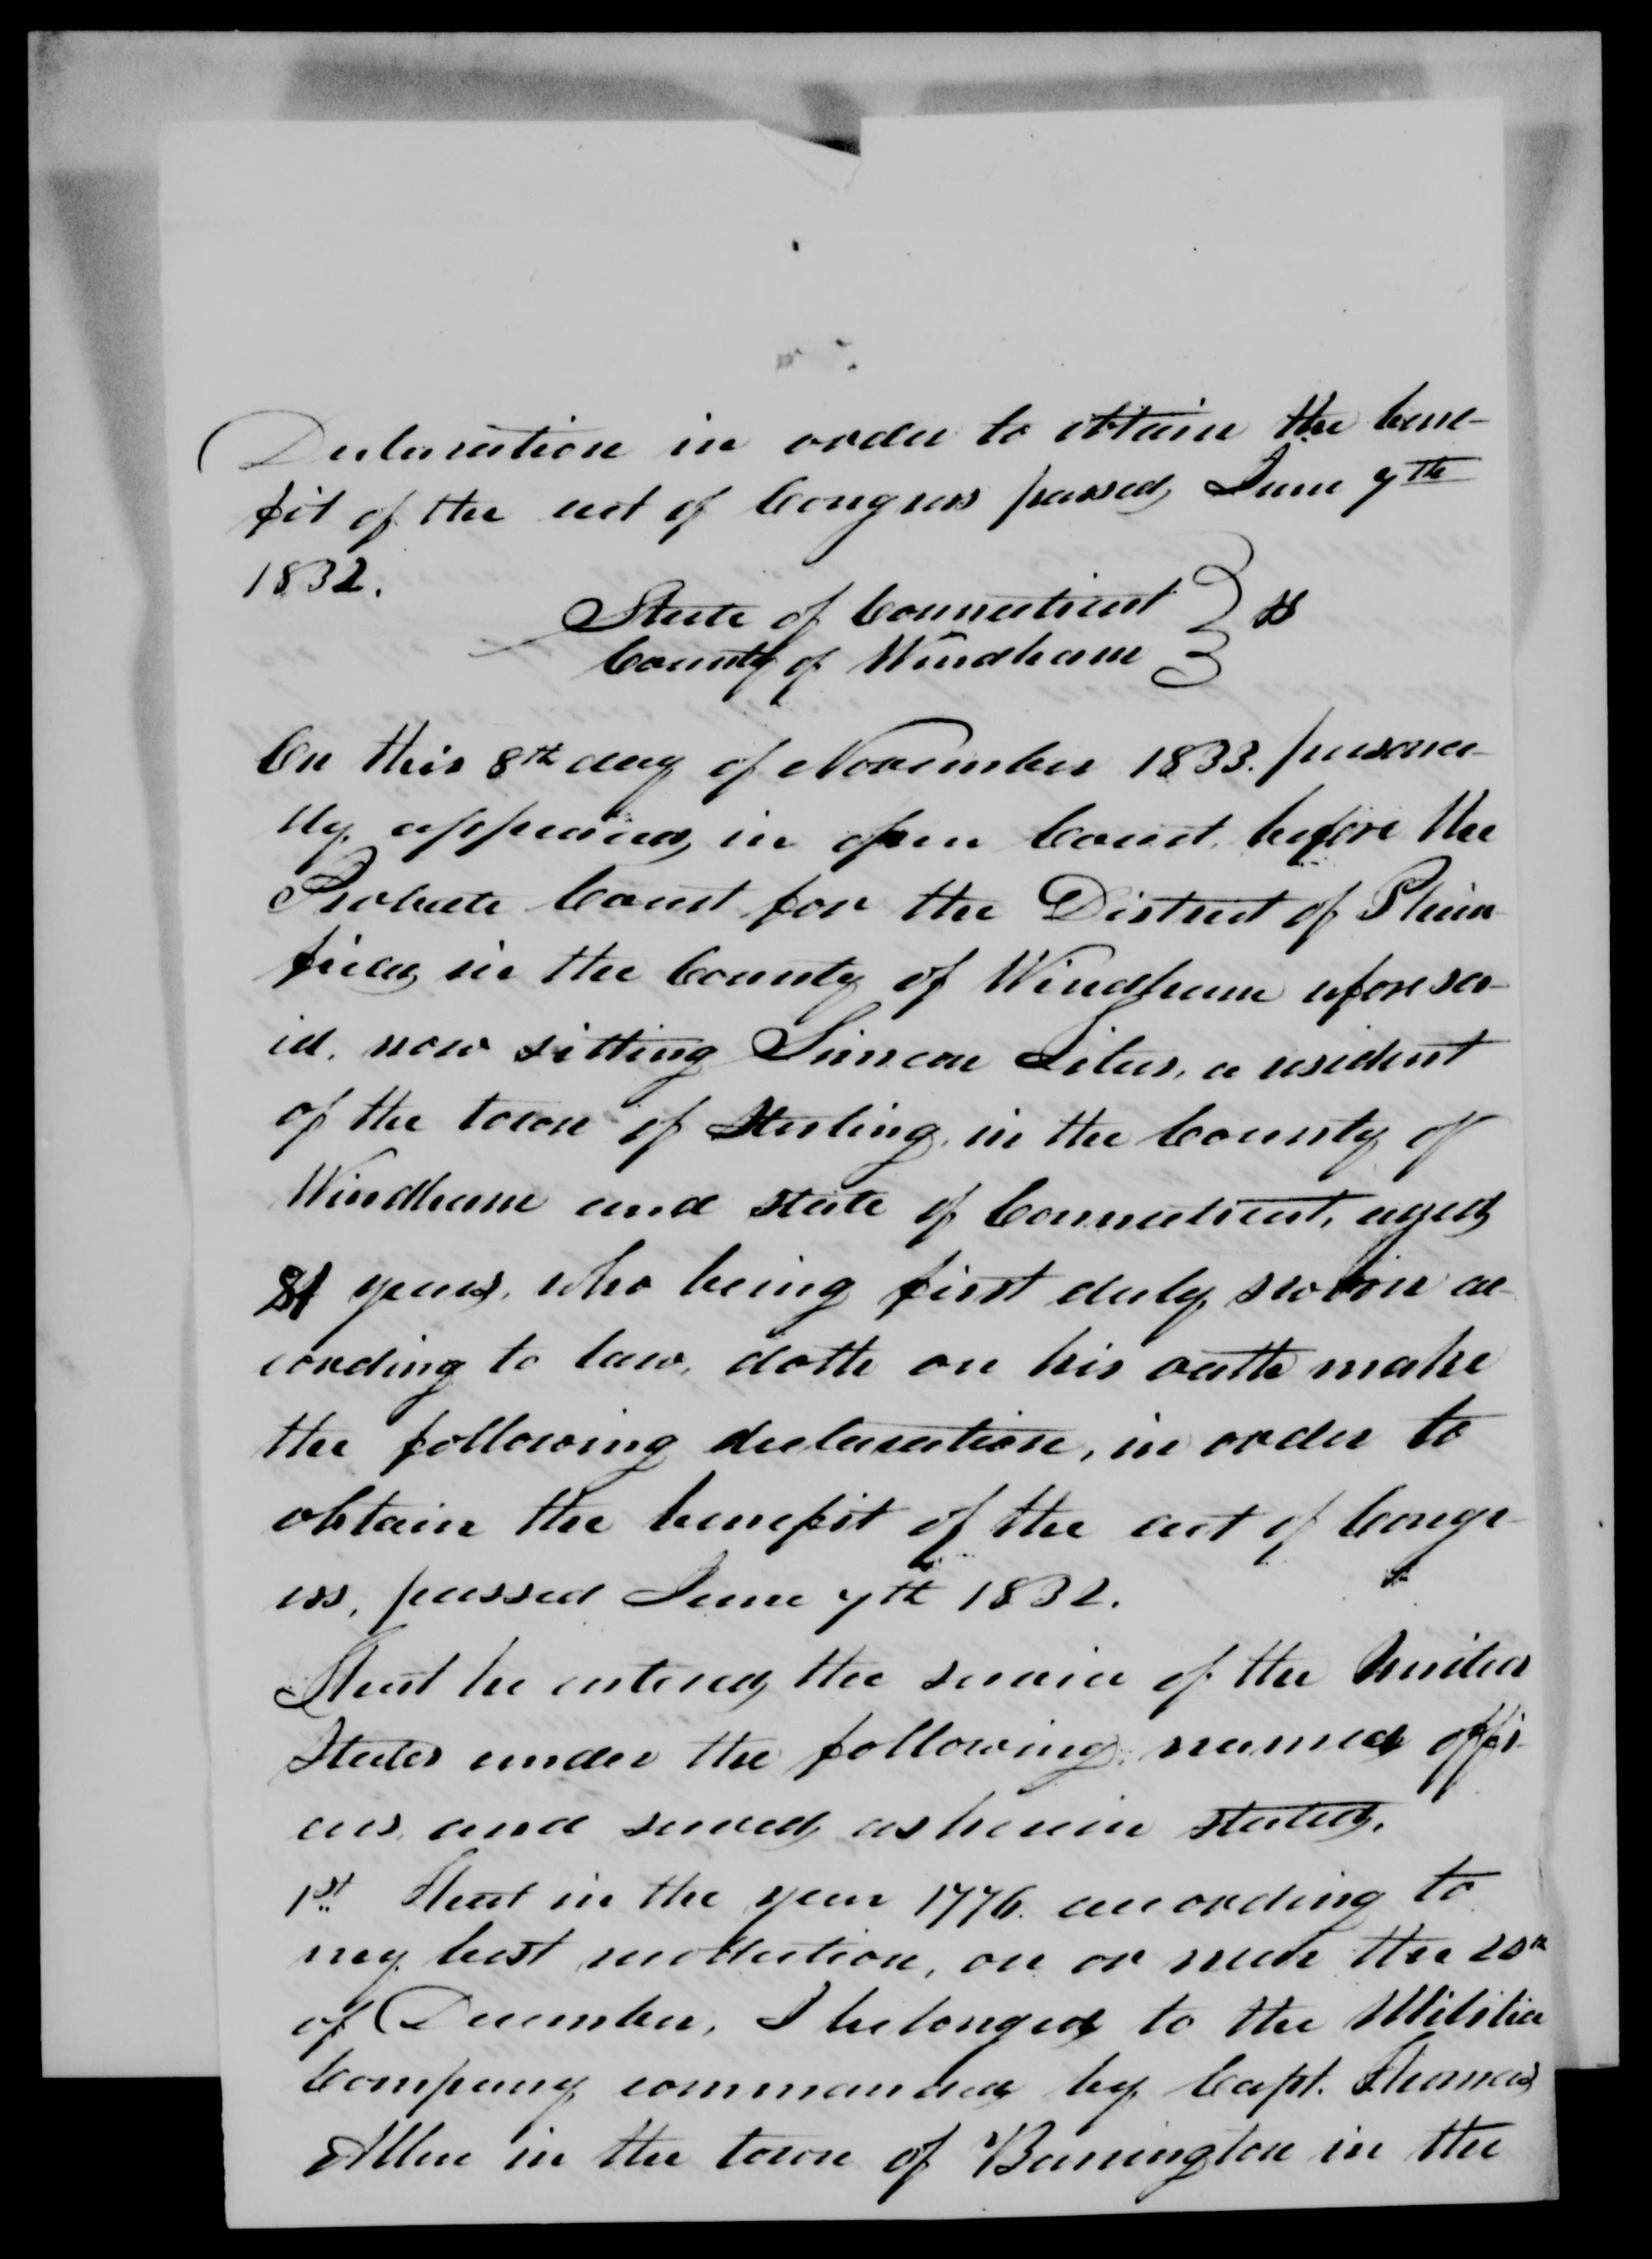Declaration in order to obtain the benefit of the act of Congress passed June 7th 1832

State of Connecticut }
County of Windham}  ss

On this 8th day of November 1833 personally appeared in open Court before the Probate Court for the District of Plainfield in the County of Windham upon [illegible] now sitting Simeon Titus, a resident of the town of Sterling in the County of Windham and state of Connecticut, aged 81 years, who being first duly sworn according to law, doth on his oath make the following declaration, in order to obtain the benefit of the act of Congress passed June 7th 1832.
{illegible] he entered, the service of the United States under the following named officers and severed as herein stated,
1st  [illegible]in the year 1776  according to my best recollection, on or near the 20th of December, I belonged to the Militia Company commanded by Capt [illegible]
 Allen in the town of Burmington in the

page: 6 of 74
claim: survivor's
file: S. 11556, for Simeon Titus, Rhode Island